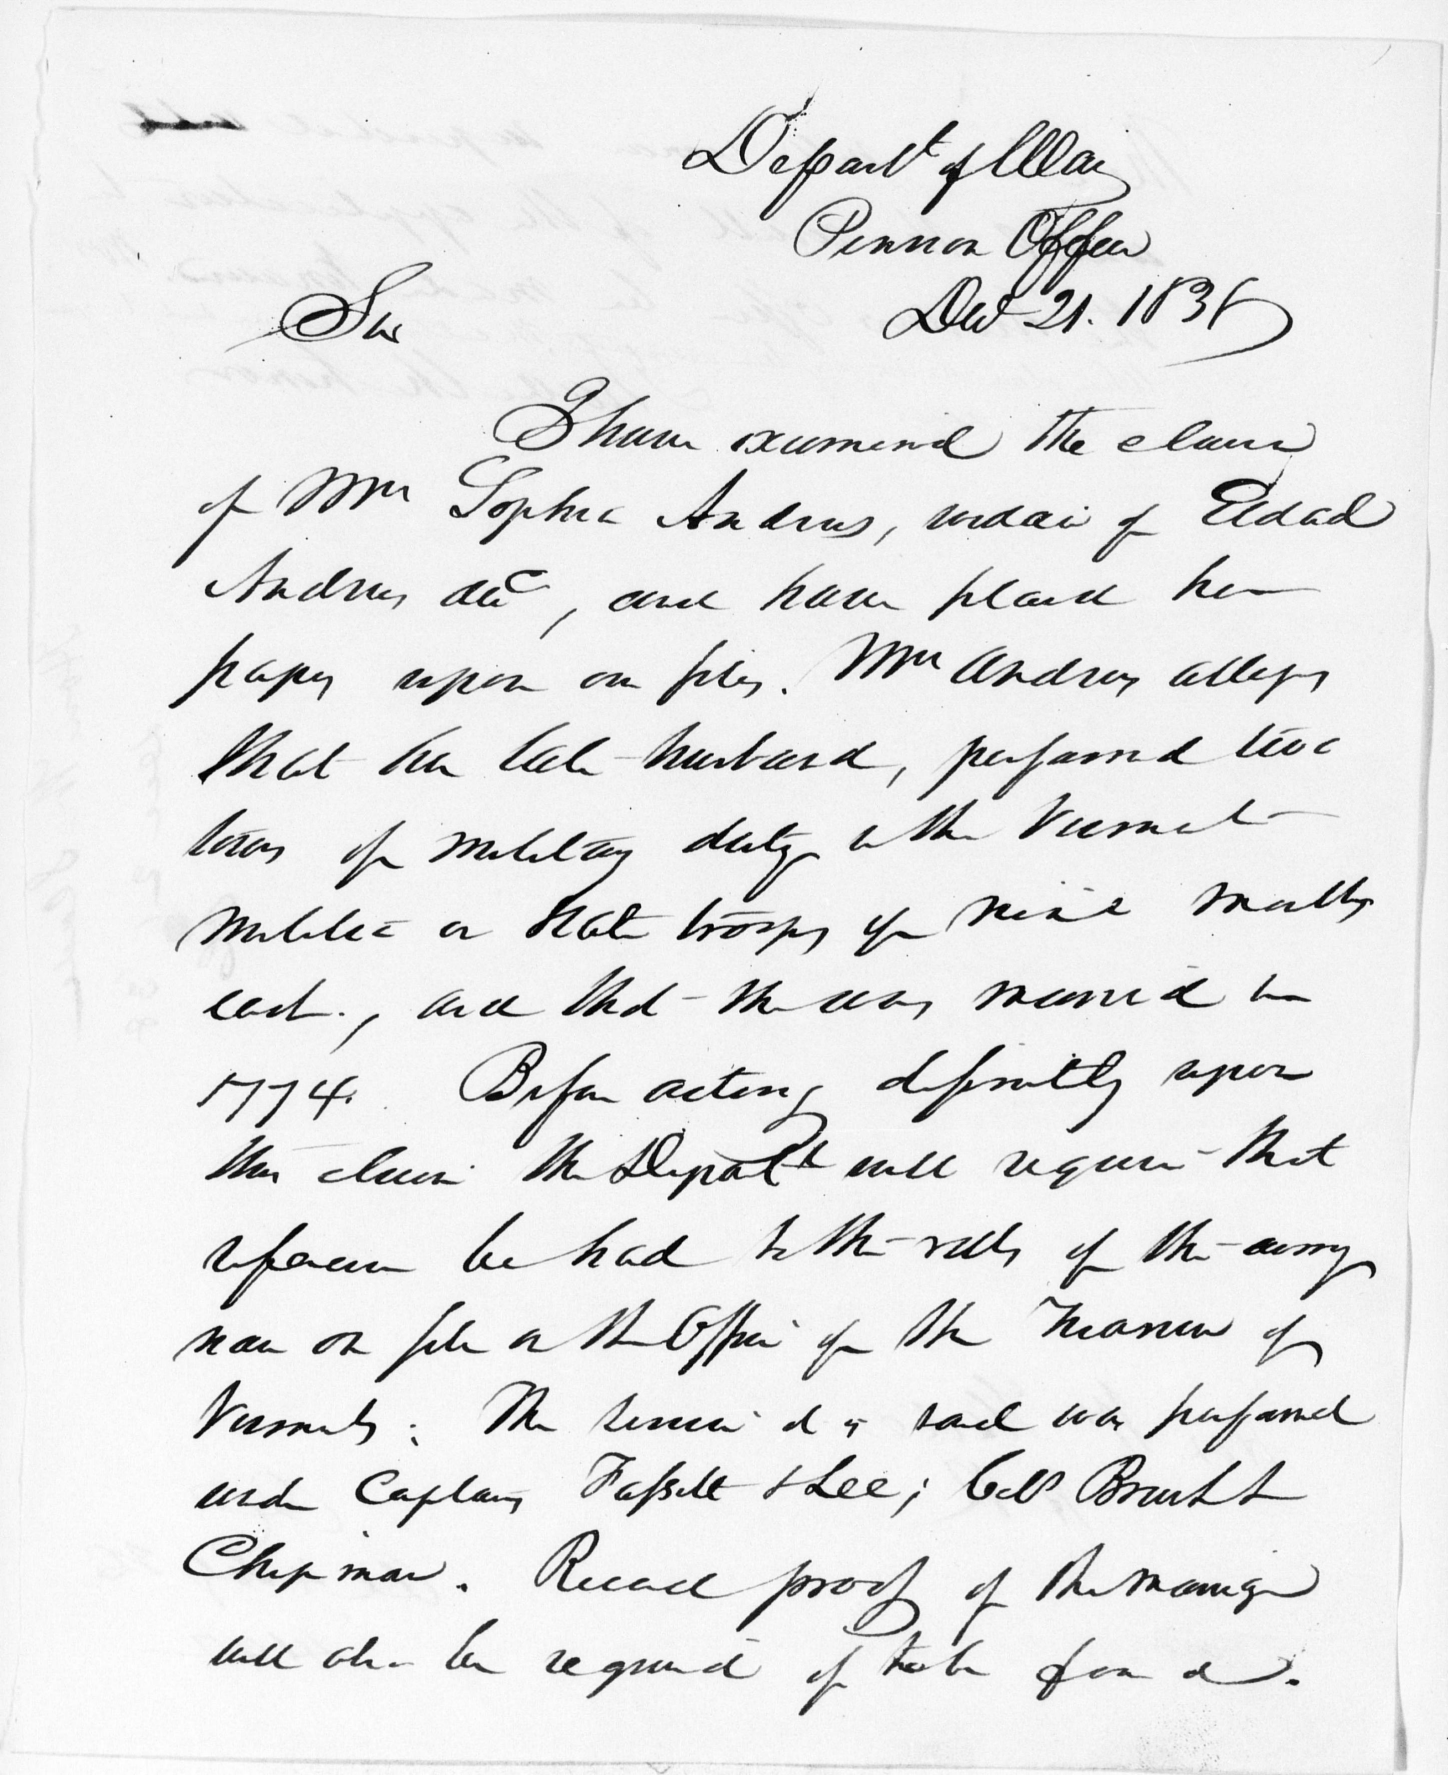Department
Pension Office
Dec. 21. 1836

Sir:
I have examine the claim of Mrs Sophia Andrews, widow of Eldad Andrews
and have paid her pension upon on ples
Wm Andrey Alleys that he tell Hurbard, profound the of Military duty with Vermont
the militia or State troops of Neal Mally
east, and that she was name in 1774
1774.
Before acting definitely upon
this claim the deponent will require aforesaid he had hath-rolls of the army man or plea to the Office of the Marin of family. The end aforesaid we profound and Captain Fassett & Lee; Col Bruett Chipman. Record proof of her marriage
will he be required of truth aforesaid.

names: Sophia Andrus, Fassett, Bruett, Wm Andrus, Eldad Andrus, Lee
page: 15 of 27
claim: rejected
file: R. 223, Eldad Andrus, Vt.